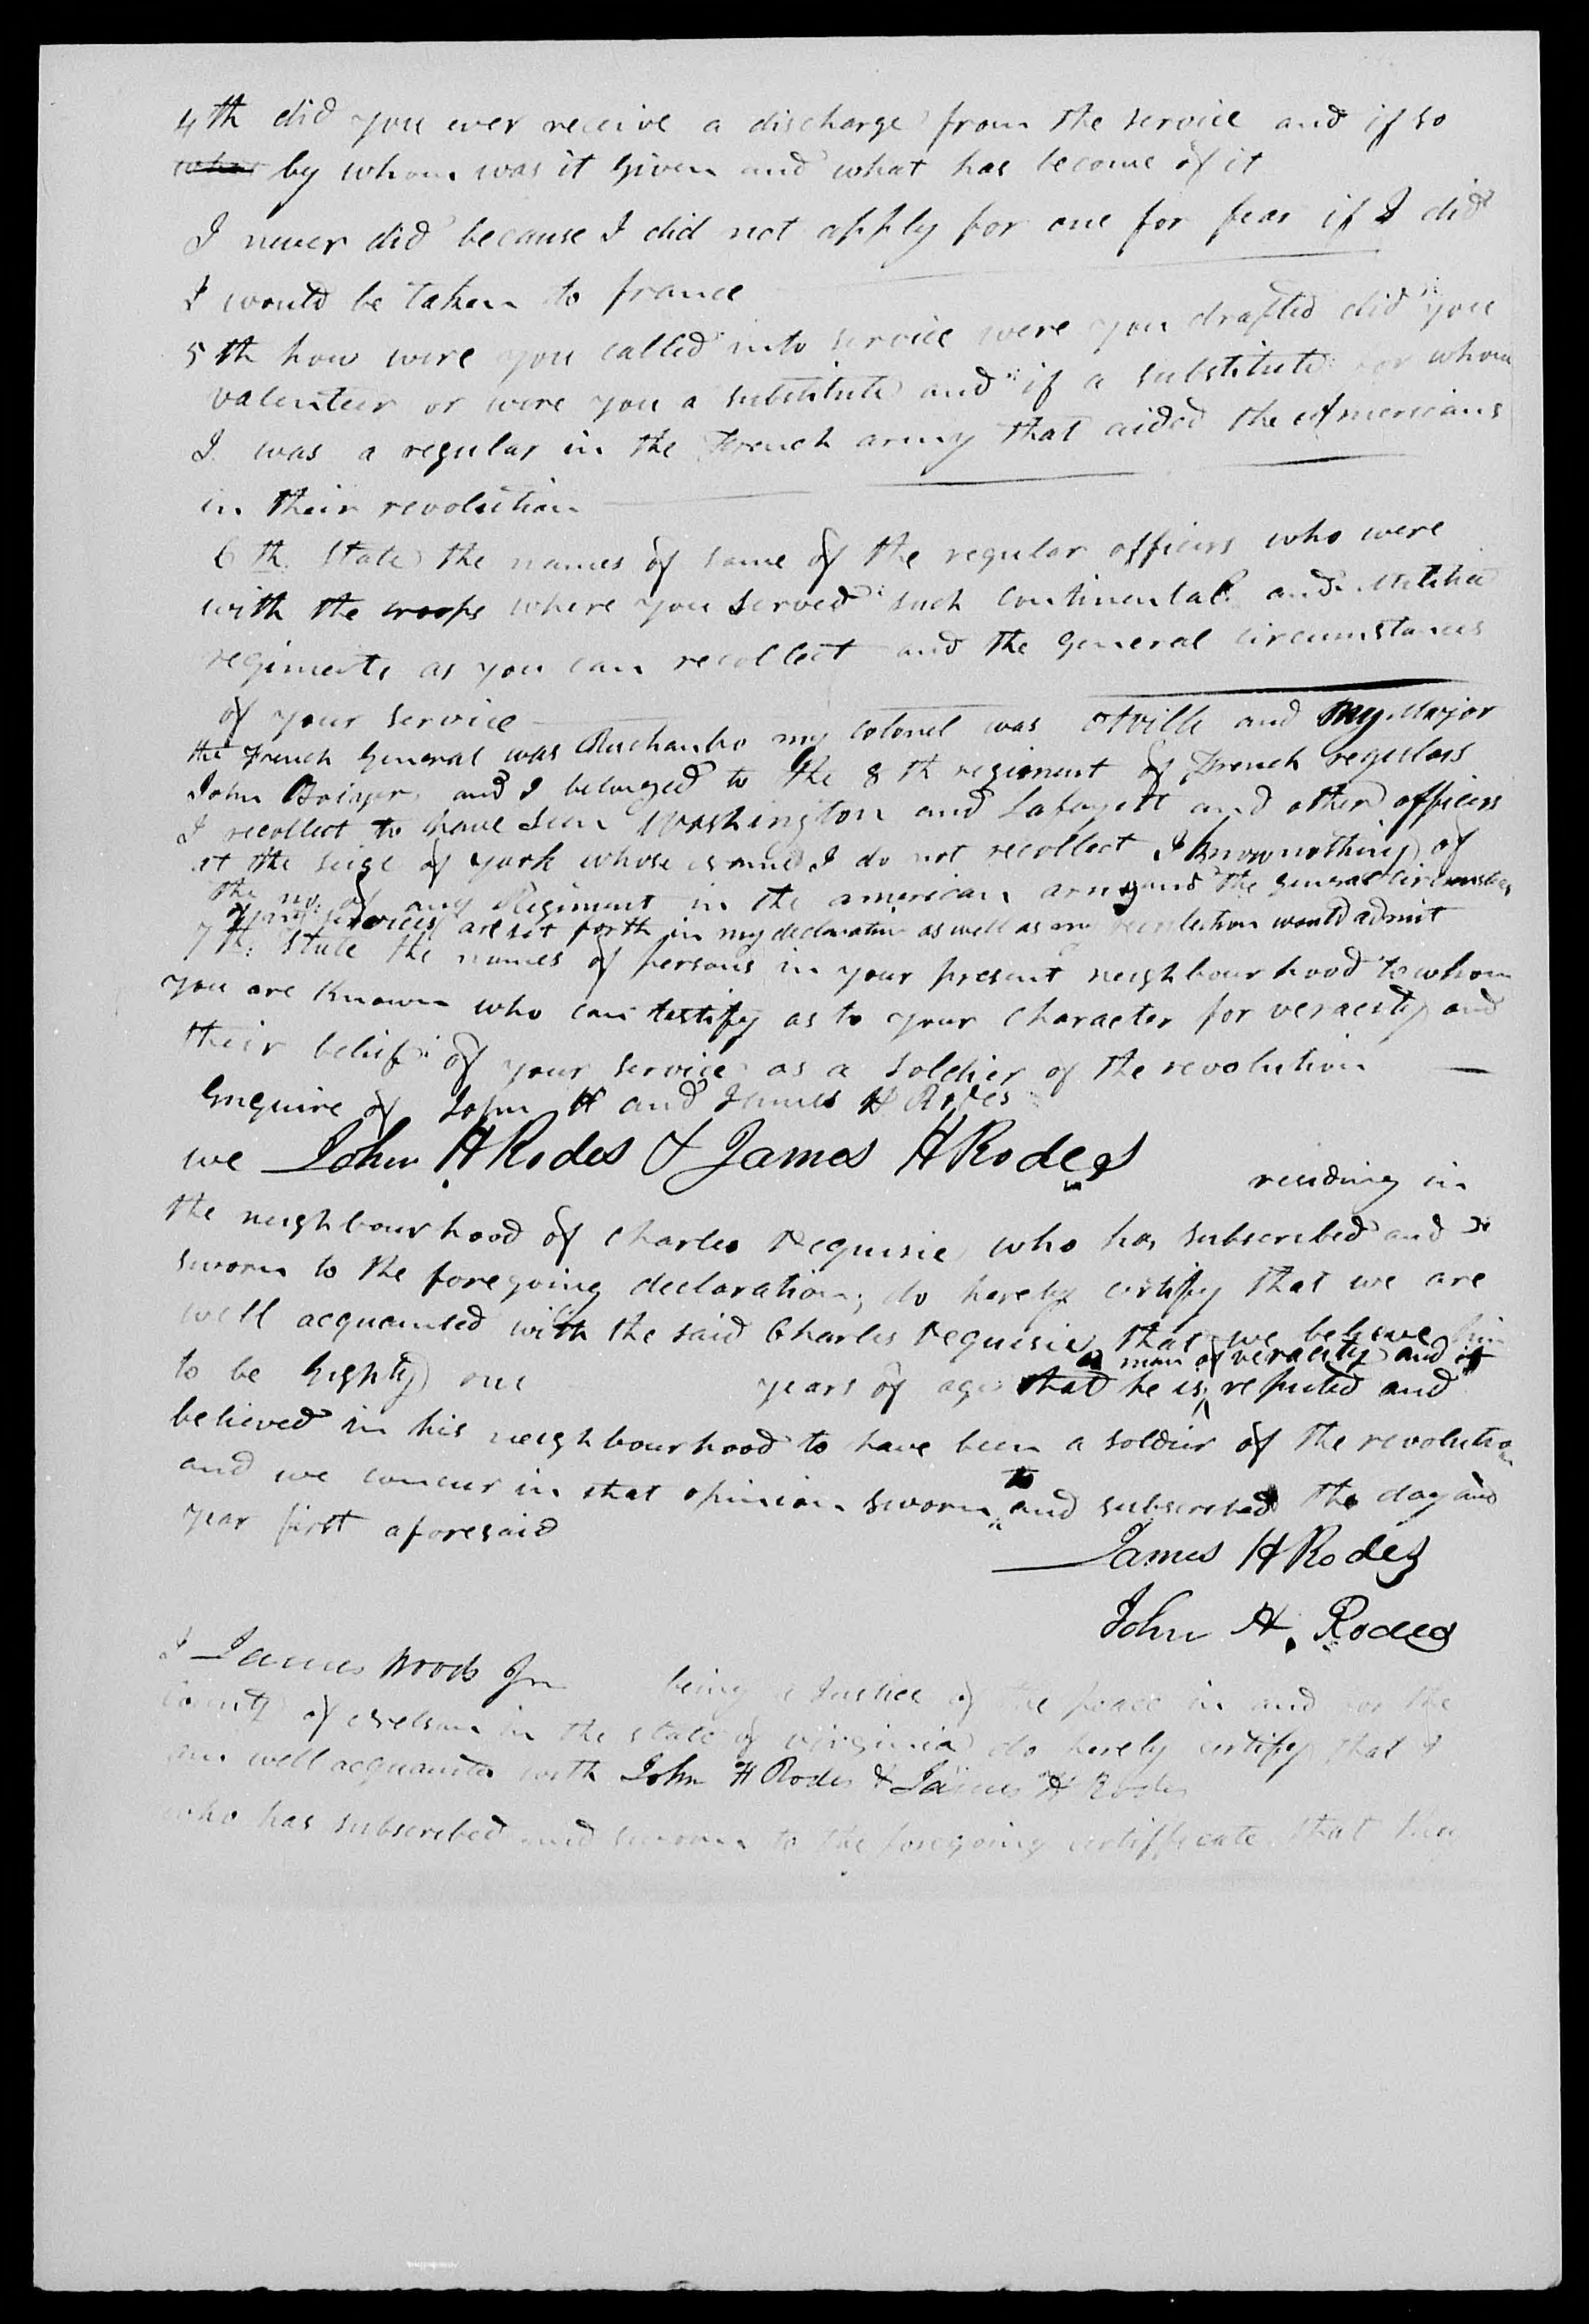4th did you ever receive a discharge from the service and if so by whom was it given and what has become of it? I never did because I did not apply for one for fear if I did I would be taken to france

5th how were you called into service - were you drafted, did you volunteer or were you a substitute and if a substitute for whom?  I was a regular in the French army that aided the Americans in their revolution

6th State the names of some of the regular officers who were with the troops where you served, such continental and Militia regiments as you can recollect and the general circumstances of your service?  
the French General was Bochamps, my colonel was Orville and my Major John Boiyer, and I belonged to the 8th regiment of French regulars. I recollect to have seen Washington and Lafayett and other officers
at the Seige of York whose names  I do not recollect.  I know nothing of the no of any Regiment in the american army and the general services are set forth in my declaration as well as one recollection would admit

7th - state the names of persons in your present neighbourhood to whom you are known who can testify as to your character for veracity and their belief of your service as a solider of the revolution?  Inquire of John H and James H Rodes

We John H Rodes & James H Rodes residing in the neighbourhood of Charles Dequisie who has subscribed and Sworn to the foregoing declaration, do hereby certify that we are well acquainted with the said Charles Dequisie, that we believe him to be Eighty one years of age, that he is a man of veracity and is reputed and believed in his neighbourhood to have been a soldier of the revolution and we concur in that opinion,  sworn and subscribed the day and year first aforesaid

James H Rodes
John H. Rodes


I James Woods Jr being a Justice of the peace in and for the county of Nelson in the State of Virginia do hereby certify that I am well acquainted with John H Rodes & James H Rodes who has subscribed and sworn to the foregoing certificate that they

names: James Woods, James H Rodes, Charles Dequisie, James H Rodes, John H Rodes, John H Rodes, John Bringer, James H Rodes, John H Rodes, Lafayett, James H Rodes, Washington, John H Rodes, Charles Deguisie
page: 4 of 21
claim: rejected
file: R. 2,896, Charles Duzua, French